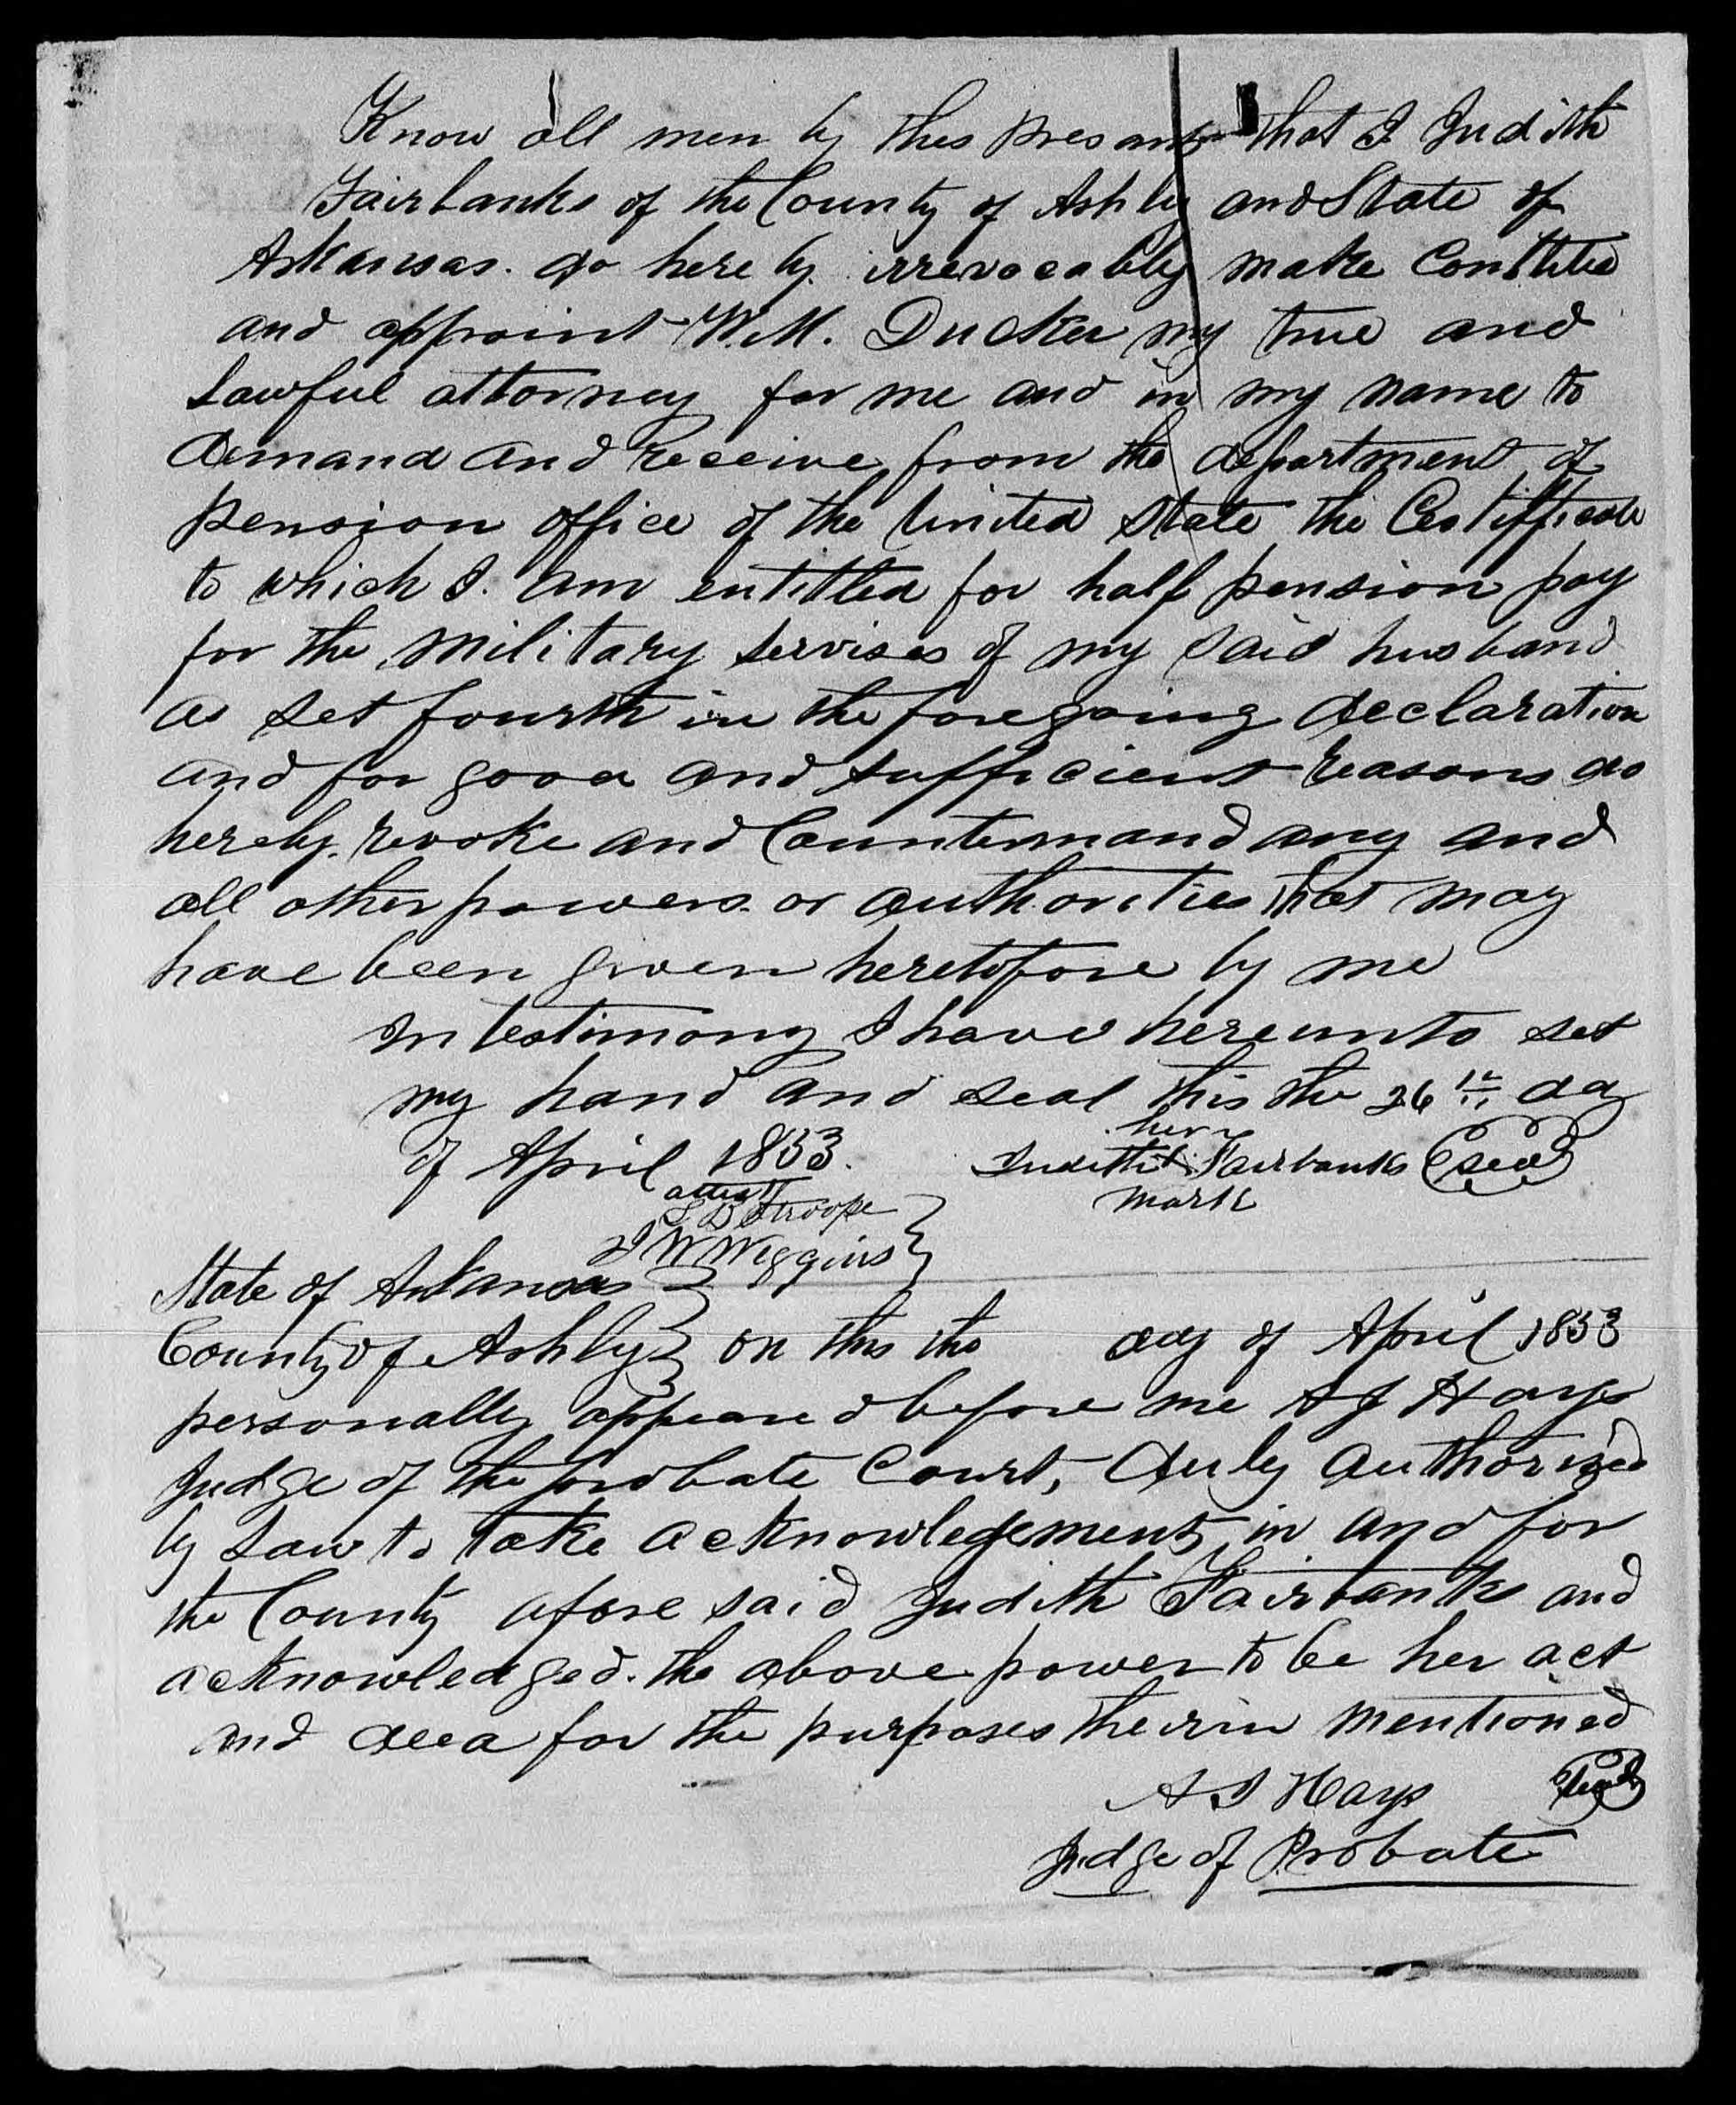Know all men by this present that I Judith Fairbanks of the County of Ashley and State of Arkansas do hereby irrevocably make construct and appoint W.M. Ducker my true and lawful attorney for me and in my name to demand and reserve from the department of pension office of the United State the certificate to which I am entitled for half pension pay for the military servises [sp] of my said husband as set fourth [sp] in the foregoing declaration and for good and sufficient reasons do hereby revoke and countermand any and all other powers or authorities that may have been given heretofore by me
In testimony I have hereunto set my hand and seal this the 26th day of April 1853.
her Judith Fairbanks mark seal
attest
L.B. Stroope
J W Wiggins
State of Arkansas
County of Ashley on this the [blank] day of April 1853 personally appeared before me AJ Hays, Judge of the Probate Court, duly authorized by law to take acknowledgements in and for the County aforesaid Judith Fairbanks and acknowledged the above power to be her act and deed for the purposes therein mentioned
A.J. Hays
Judge of Probate seal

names: W M Ducker, Judith Fairbanks, L B Stroope, J W Wiggins, Judith Fairbanks, Bernard, Judith Fairbanks, A J Hays, A J Hays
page: 4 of 17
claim: rejected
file: R. 3423, William Fairbanks, R.I.